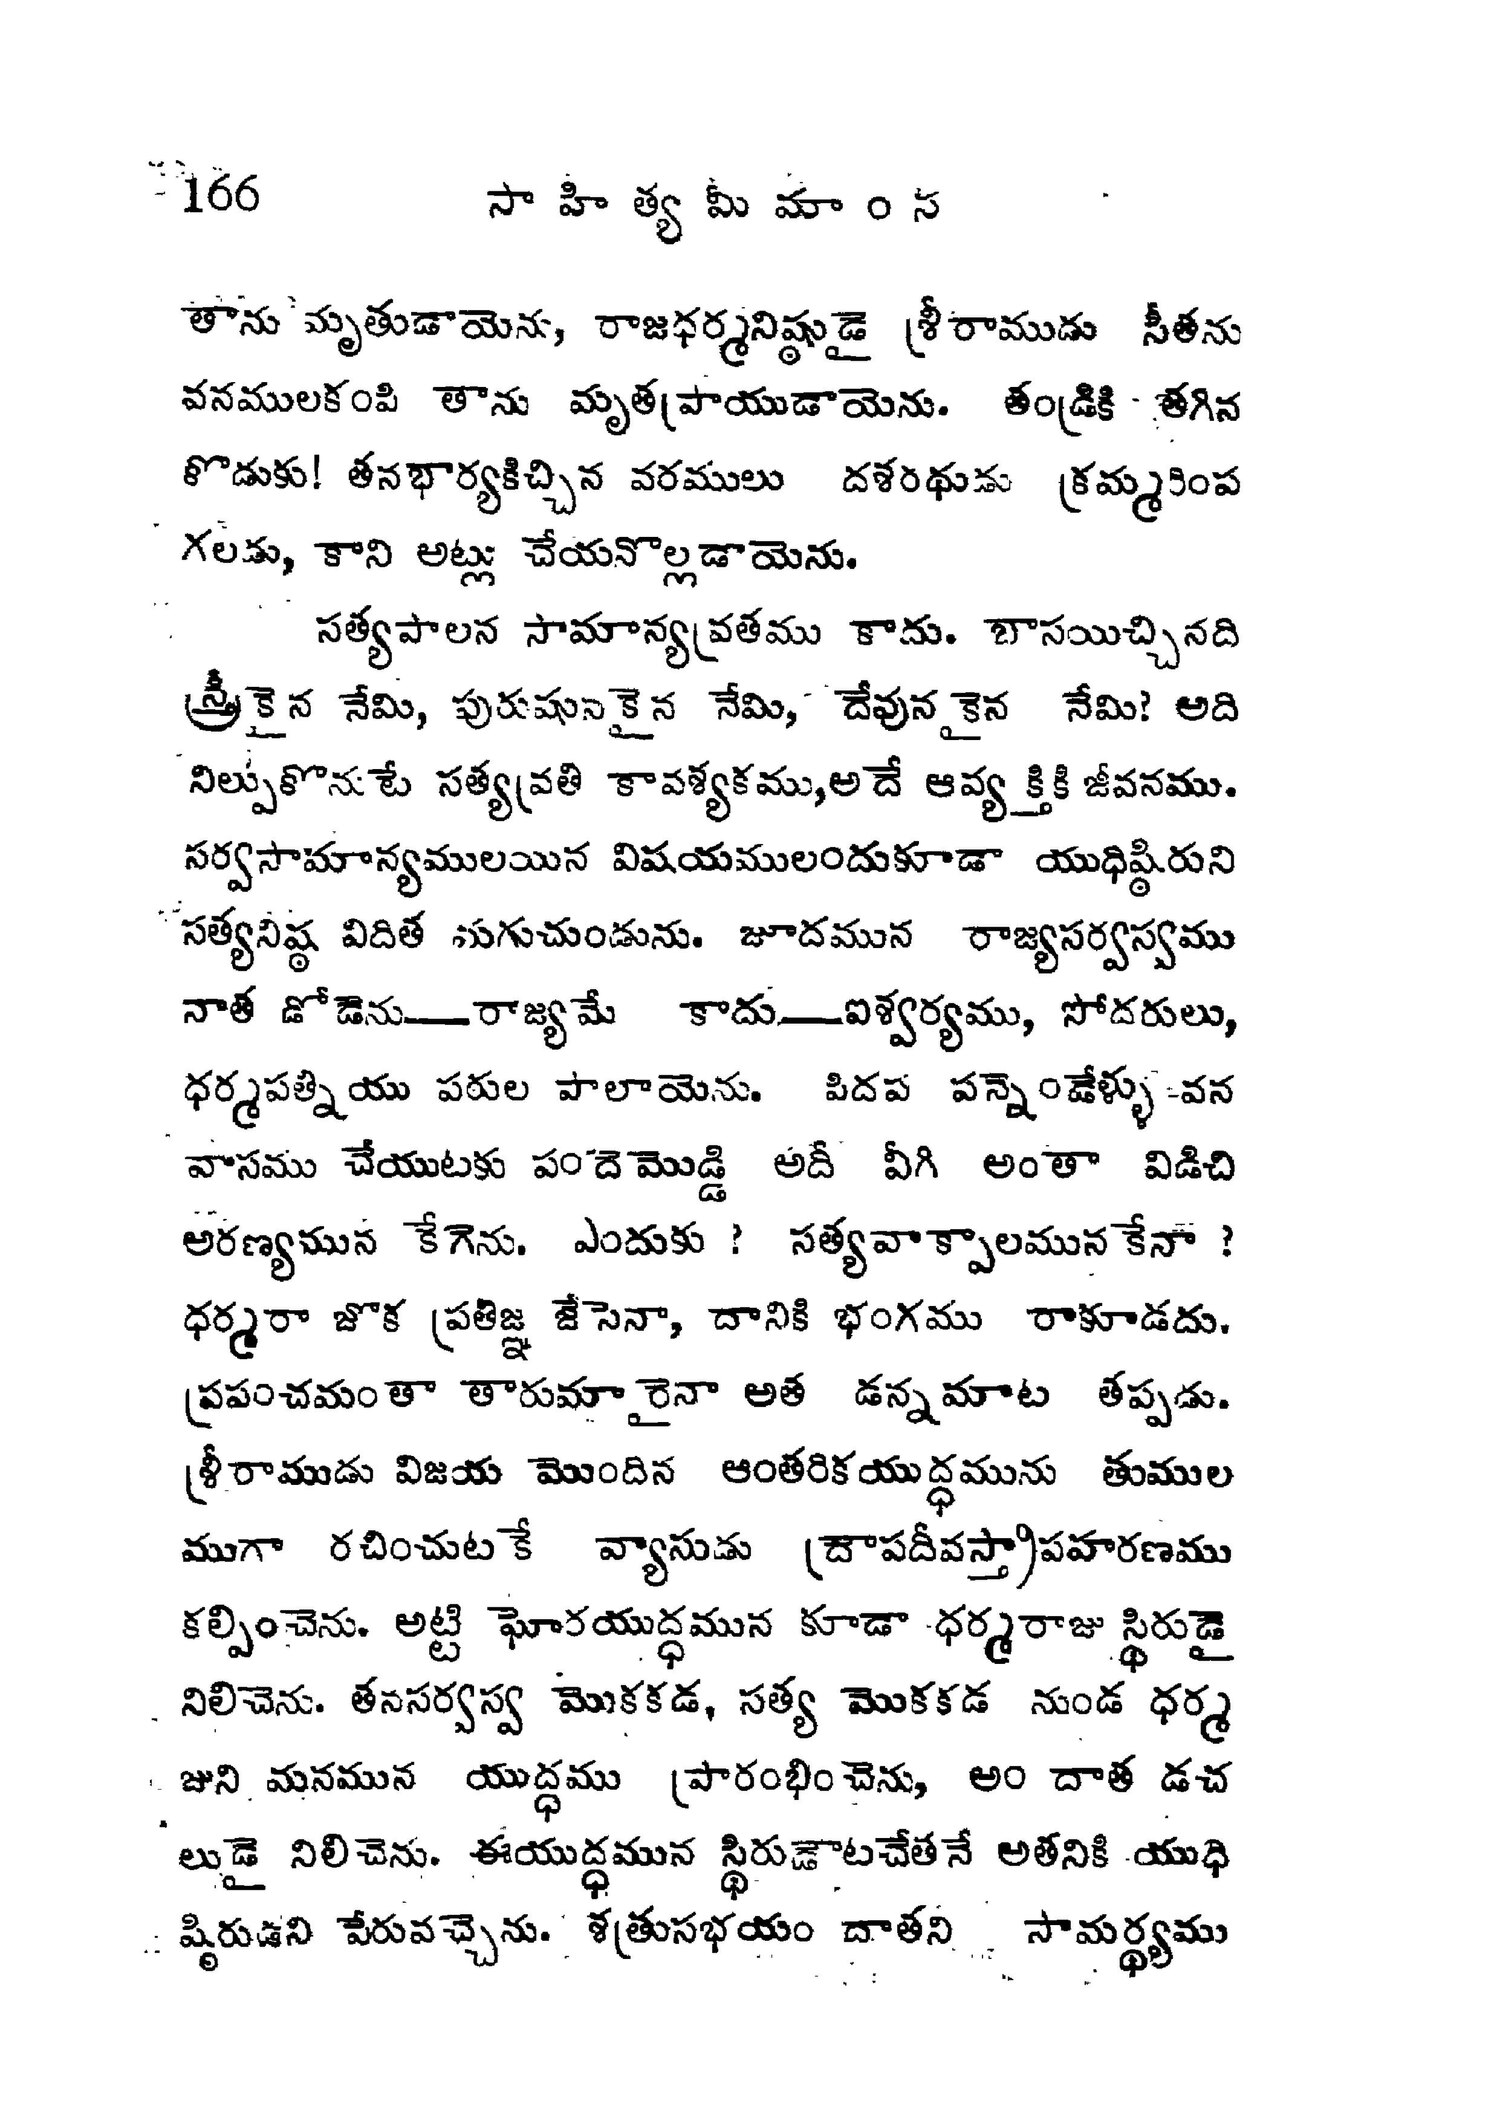తాను మృతుడాయెను, రాజధర్మనిష్ఠుడై శ్రీరాముడు సీతను వనములకంపి తాను మృతప్రాయుడాయెను. తండ్రికి తగిన కొడుకు! తనభార్యకిచ్చిన వరములు దశరథుడు క్రమ్మరింప గలడు, కాని అట్లు చేయనొల్లడాయెను.

సత్యపాలన సామాన్యవ్రతము కాదు. బాసయిచ్చినది స్త్రీకైన నేమి, పురుషునకైన నేమి, దేవునకైన నేమి? అది నిల్పుకొనుటే సత్యవ్రతి కావశ్యకము, అదే ఆవ్యక్తికి జీవనము. సర్వసామాన్యములయిన విషయములందుకూడా యుధిష్ఠిరుని సత్యనిష్ఠ విదిత మగుచుండును. జూదమున రాజ్యసర్వస్వము నాత డోడెను - రాజ్యమే కాదు - ఐశ్వర్యము, సోదరులు, ధర్మపత్నియు పరుల పాలాయెను. పిదప పన్నెండేళ్ళు వనవాసము చేయుటకు పందెమొడ్డి అదీ వీగి అంతా విడిచి అరణ్యమున కేగెను. ఎందుకు ? సత్యవాక్పాలమున కేనా? ధర్మరా జొక ప్రతిజ్ఞ జేసెనా, దానికి భంగము రాకూడదు. ప్రపంచమంతా తారుమారైనా అత డన్నమాట తప్పడు. శ్రీరాముడు విజయ మొందిన ఆంతరికయుద్ధమును తుములముగా రచించుటకే వ్యాసుడు ద్రౌపదీవస్త్రాపహరణము కల్పించెను. అట్టి ఘోరయుద్ధమున కూడా ధర్మరాజు స్థిరుడై నిలిచెను. తనసర్వస్వ మొకకడ, సత్య మొకకడ నుండ ధర్మజుని మనమున యుద్ధము ప్రారంభించెను, అం దాత డచలుడై నిలిచెను. ఈయుద్ధమున స్థిరుడౌటచేతనే అతనికి యుధిష్ఠిరుడని పేరువచ్చెను. శత్రుసభయం దాతని సామర్థ్యము